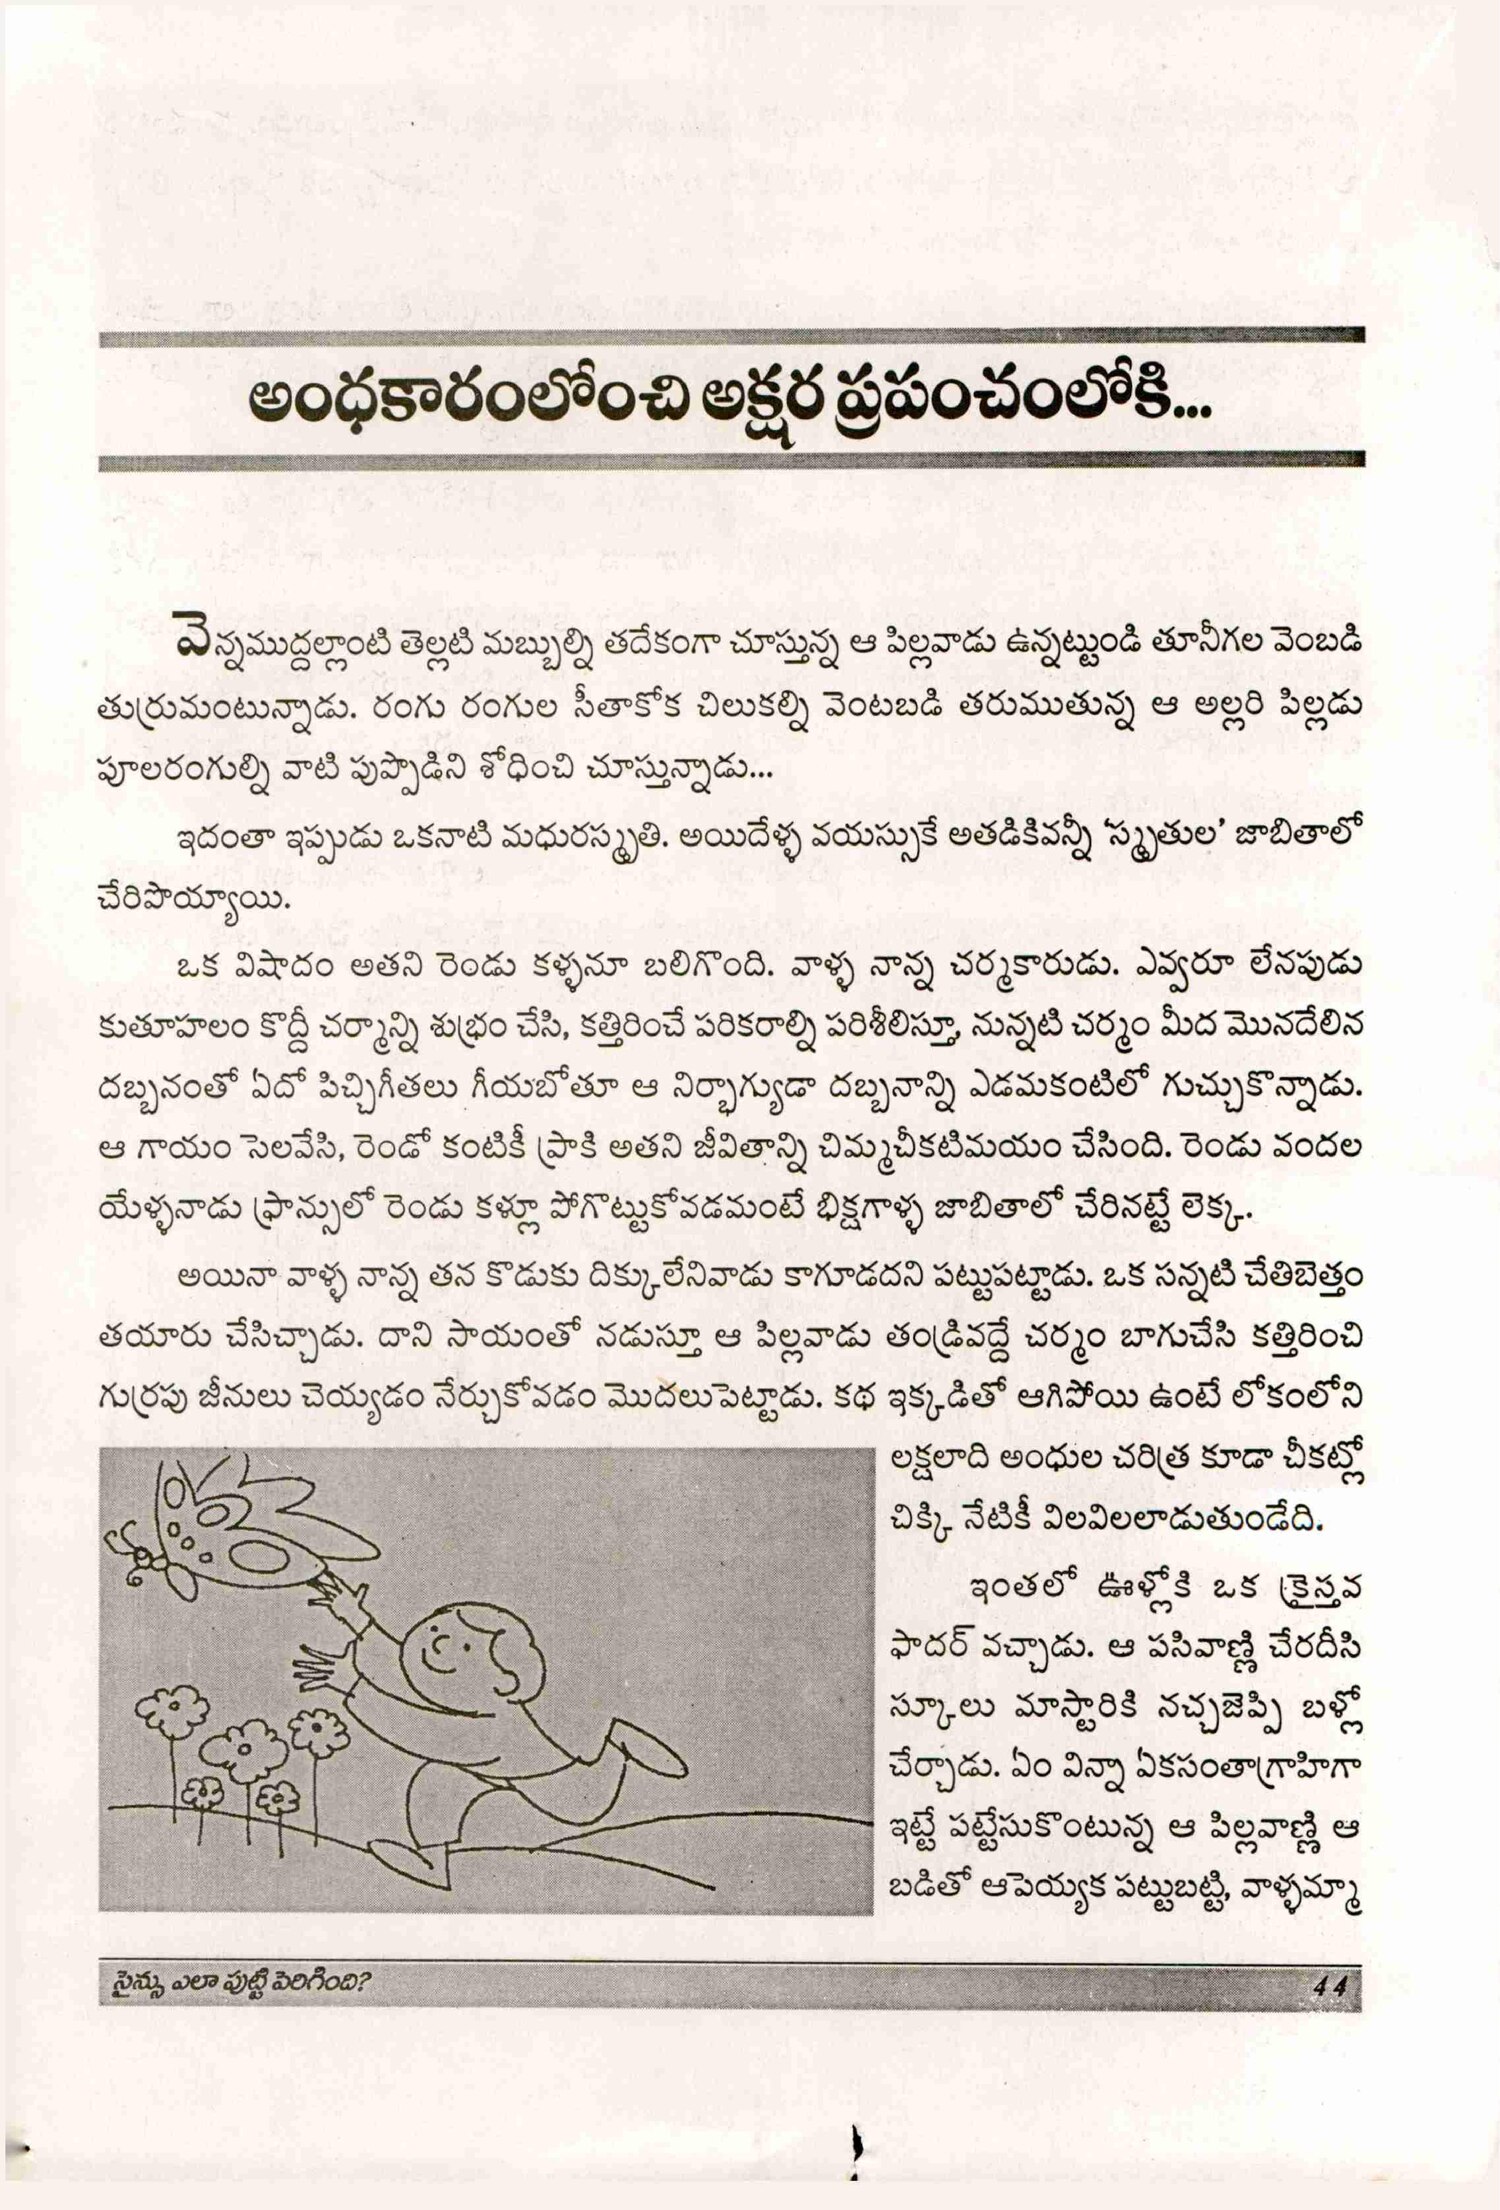అంధకారంలోంచి అక్షర ప్రపంచంలోకి...

వెన్నముద్దల్లాంటి తెల్లటి మబ్బుల్ని తదేకంగా చూస్తున్న ఆ పిల్లవాడు ఉన్నట్టుండి తూనీగల వెంబడి
తుర్రుమంటున్నాడు. రంగు రంగుల సీతాకోక చిలుకల్ని వెంటబడి తరుముతున్న ఆ అల్లరి పిల్లడు పూలరంగుల్ని వాటి పుప్పొడిని శోధించి చూస్తున్నాడు...

ఇదంతా ఇప్పుడు ఒకనాటి మధురస్మృతి. అయిదేళ్ళ వయస్సుకే అతడికివన్నీ స్మృతుల' జాబితాలో
చేరిపొయ్యాయి.

ఒక విషాదం అతని రెండు కళ్ళనూ బలిగొంది. వాళ్ళ నాన్న చర్మకారుడు. ఎవ్వరూ లేనపుడు కుతూహలం కొద్దీ చర్మాన్ని శుభ్రం చేసి, కత్తిరించే పరికరాల్ని పరిశీలిస్తూ, నున్నటి చర్మం మీద మొనదేలిన దబ్బనంతో ఏదో పిచ్చిగీతలు గీయబోతూ ఆ నిర్భాగ్యుడా దబ్బనాన్ని ఎడమకంటిలో గుచ్చుకొన్నాడు. ఆ గాయం సెలవేసి, రెండో కంటికీ ప్రాకి అతని జీవితాన్ని చిమ్మచీకటిమయం చేసింది. రెండు వందల యేళ్ళనాడు ఫ్రాన్సులో రెండు కళ్లూ పోగొట్టుకోవడమంటే భిక్షగాళ్ళ జాబితాలో చేరినట్టే లెక్క.

అయినా వాళ్ళ నాన్న తన కొడుకు దిక్కులేనివాడు కాగూడదని పట్టుపట్టాడు. ఒక సన్నటి చేతిబెత్తం తయారు చేసిచ్చాడు. దాని సాయంతో నడుస్తూ ఆ పిల్లవాడు తండ్రివద్దే చర్మం బాగుచేసి కత్తిరించి గుర్రపు జీనులు చెయ్యడం నేర్చుకోవడం మొదలు పెట్టాడు. కథ ఇక్కడితో ఆగిపోయి ఉంటే లోకంలోని లక్షలాది అంధుల చరిత్ర కూడా చీకట్లో చిక్కి నేటికీ విలవిలలాడుతుండేది.

ఇంతలో ఊళ్లోకి ఒక క్రైస్తవ ఫాదర్ వచ్చాడు. ఆ పసివాణ్ణి చేరదీసి స్కూలు మాస్టారికి నచ్చజెప్పి బళ్లో చేర్చాడు. ఏం విన్నా ఏకసంతాగ్రాహిగా ఇట్టే పట్టేసుకొంటున్న ఆ పిల్లవాణ్ణి ఆ బడితో ఆపెయ్యక పట్టుబట్టి, వాళ్ళమ్మా